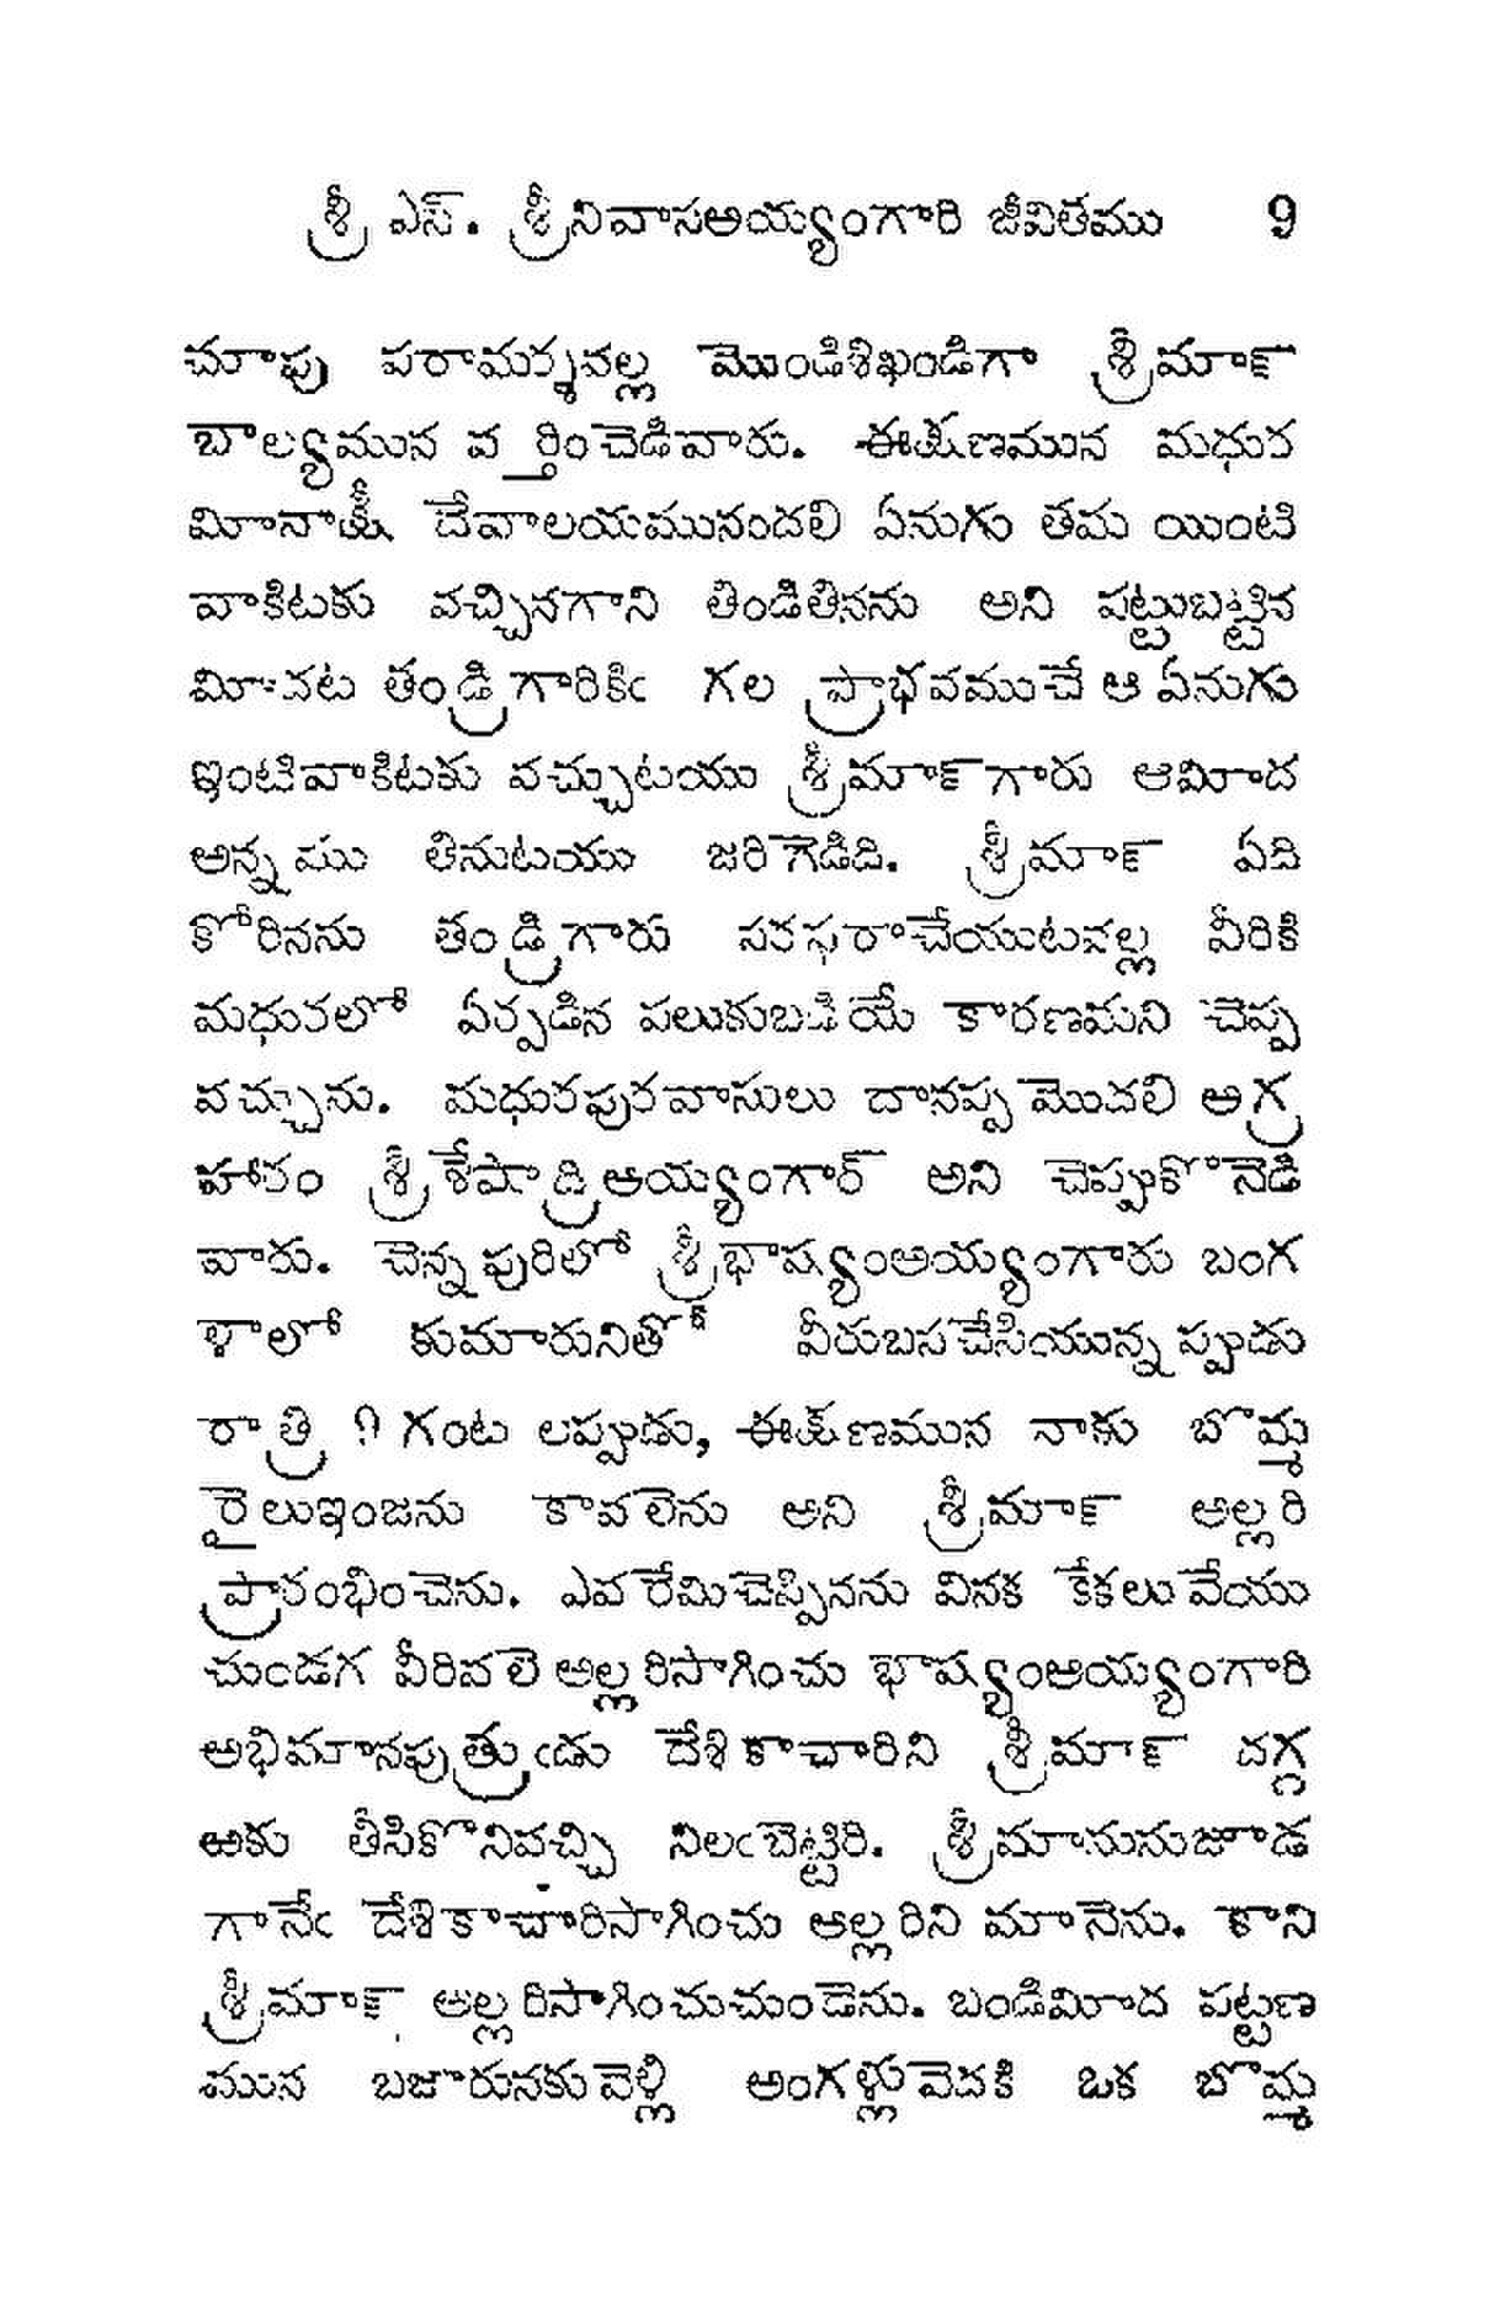చూపు పరామర్శవల్ల మొండిశిఖండిగా శ్రీమా౯ బాల్యమున వర్తించెడివారు. ఈక్షణమున మధుర మీనాక్షీ దేవాలయమునందలి ఏనుగు తమ యింటి వాకిటకు వచ్చినగాని తిండితినను అని పట్టుబట్టిన మీదట తండ్రిగారికిఁ గల ప్రాభవముచే ఆఏనుగు ఇంటివాకిటకు వచ్చుటయు శ్రీమా౯గారు ఆమీద అన్నము తినుటయు జరిగెడిది. శ్రీమా౯ ఏది కోరినను తండ్రిగారు సరఫరాచేయుటవల్ల వీరికి మధురలో ఏర్పడిన పలుకుబడియే కారణమని చెప్పవచ్చును. మధురపురవాసులు దానప్పమొదలి అగ్రహారం శ్రీశేషాద్రిఅయ్యంగార్ అని చెప్పుకొనెడివారు. చెన్నపురిలో శ్రీభాష్యంఅయ్యంగారు బంగళాలో కుమారునితో వీరుబసచేసియున్నప్పుడు రాత్రి 9 గంట లప్పుడు, ఈక్షణమున నాకు బొమ్మ రైలుఇంజను కావలెను అని శ్రీమా౯ అల్లరి ప్రారంభించెను. ఎవరేమిచెప్పినను వినక కేకలువేయుచుండగ వీరివలె అల్లరిసాగించు భాష్యంఅయ్యంగారి అభిమానపుత్రుఁడు దేశికాచారిని శ్రీమా౯ దగ్గఱకు తీసికొనివచ్చి నిలఁబెట్టిరి. శ్రీమానునుజూడగానేఁ దేశికాచారిసాగించు అల్లరిని మానెను. కాని శ్రీమా౯ అల్లరిసాగించుచుండెను. బండిమీద పట్టణముస బజారునకువెళ్లి అంగళ్లువెదకి ఒక బొమ్మ